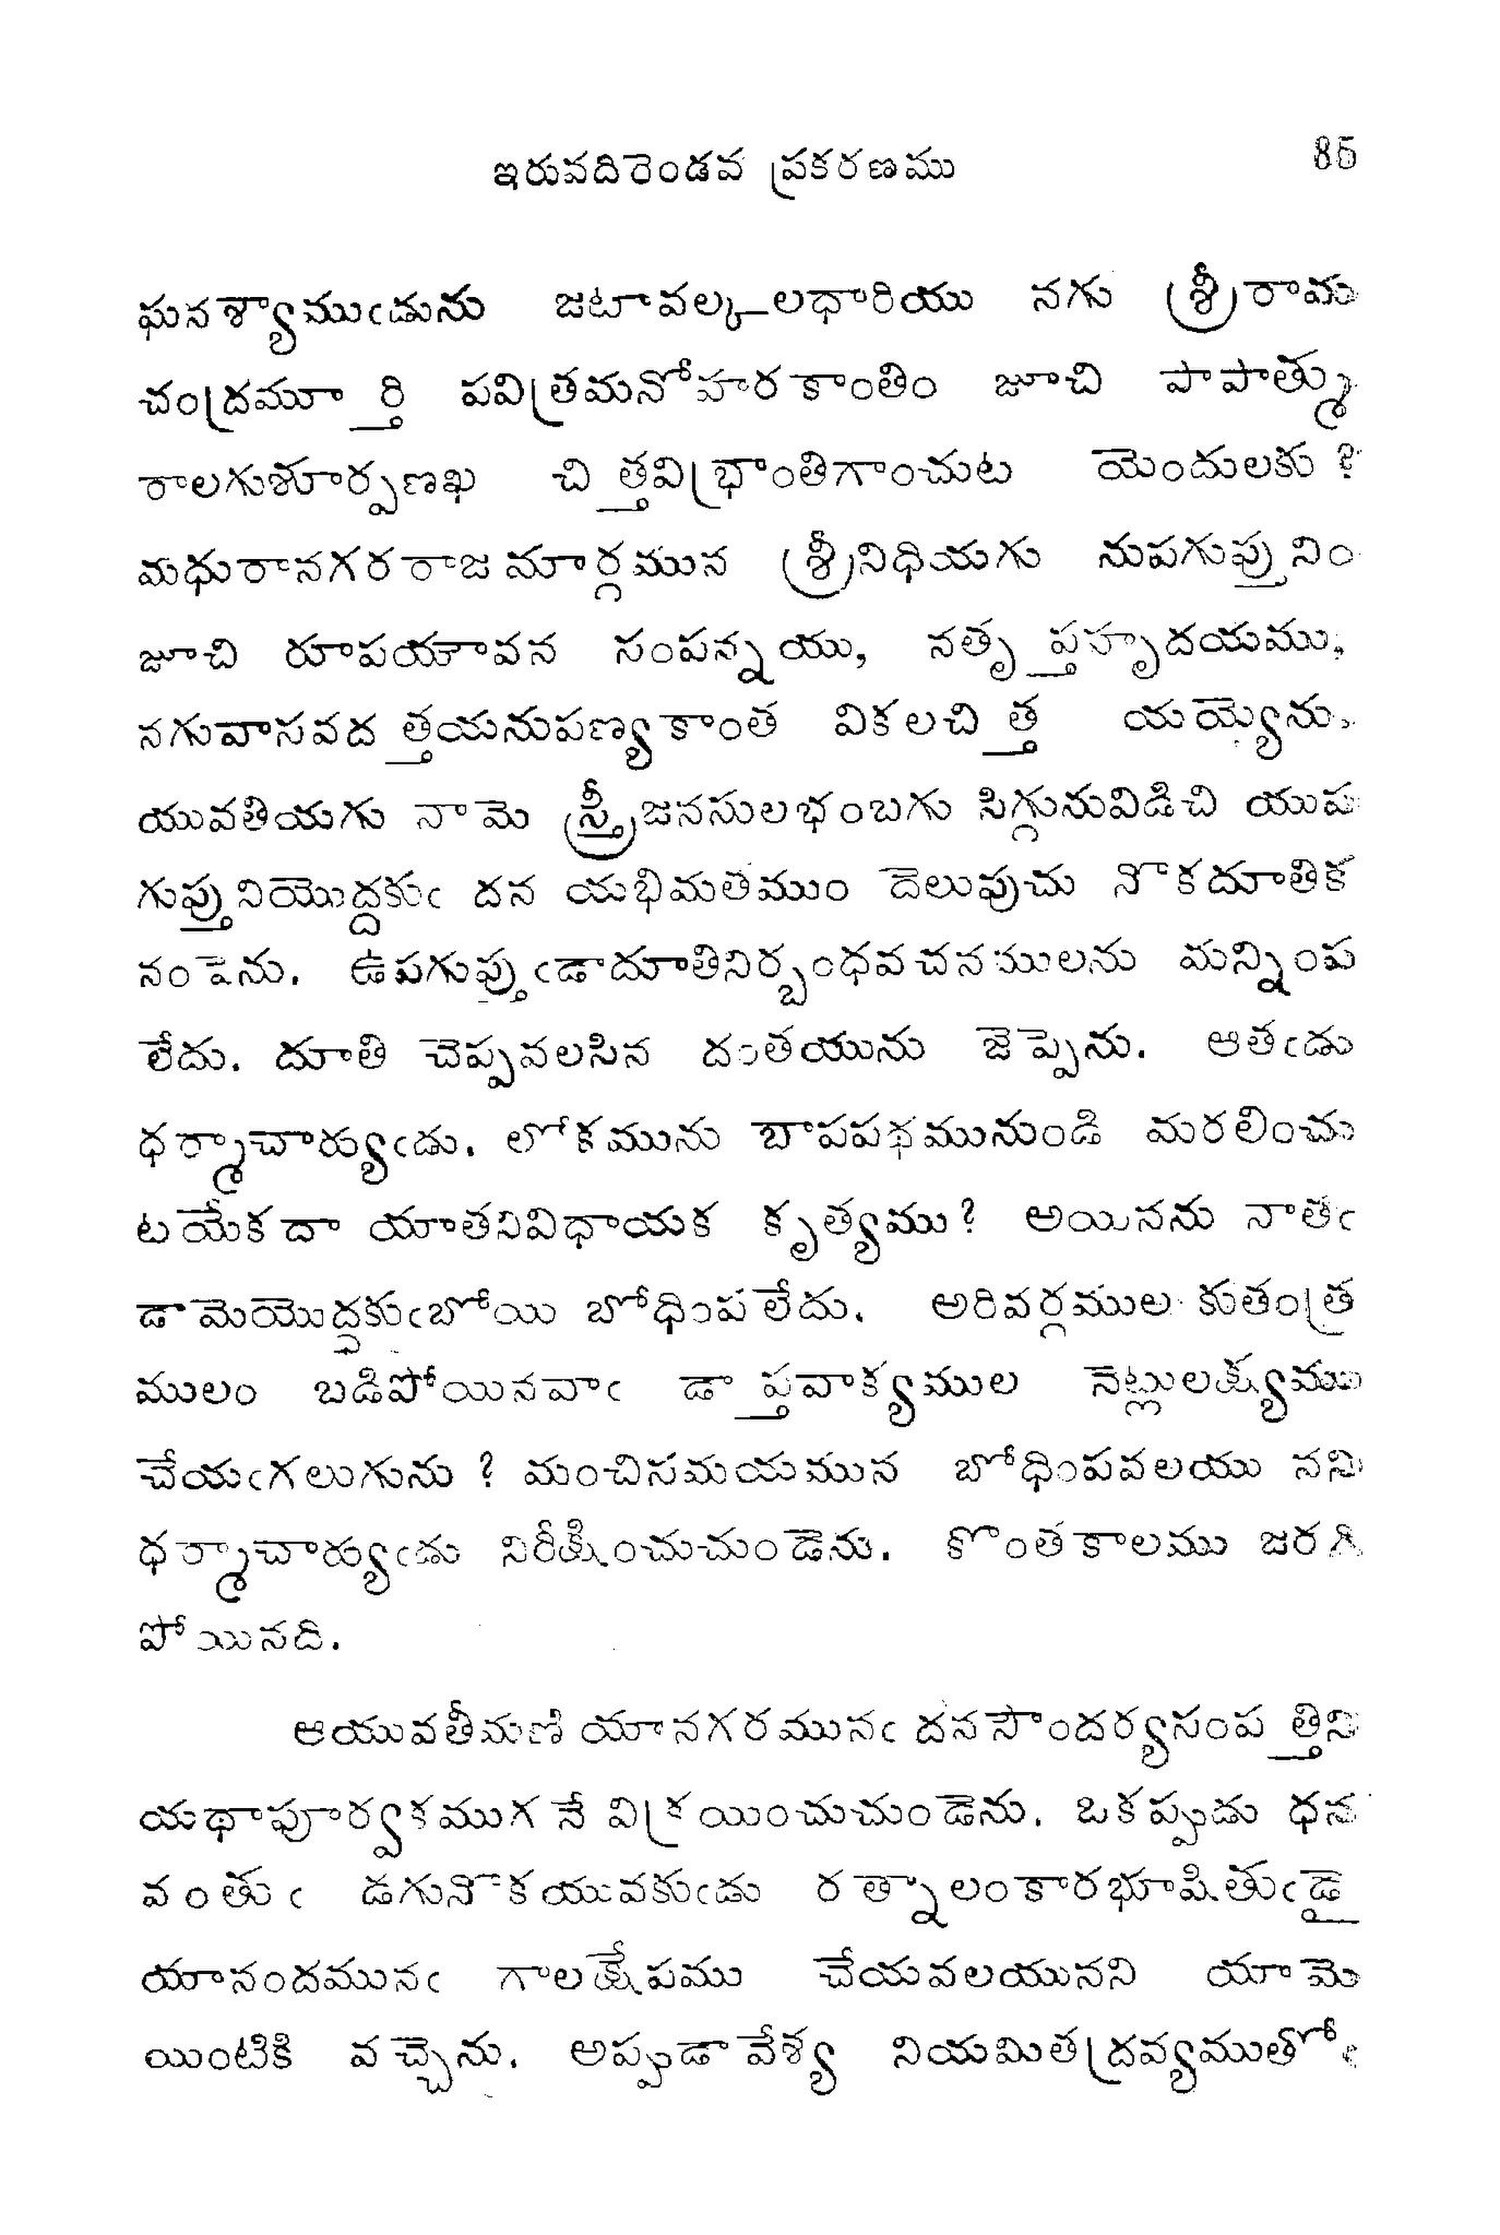ఘనశ్యాముఁడును జటావల్కలధారియు నగు శ్రీరామ చంద్రమూర్తి పవిత్రమనోహర కాంతిం జూచి పాపాత్ము రాలగుశూర్పణఖ చిత్తవిభ్రాంతిగాంచుట యెందులకు ?మధురానగర రాజ మార్గమున శ్రీనిధియగు నుపగుప్తునిం జూచి రూపయౌవన సంపన్నయు, నతృప్తహృదయము,
నగువాసవదత్తయనుపణ్య కాంత వికలచిత్త యయ్యెను, యువతియగు నామె స్త్రీ జనసులభంబగు సిగ్గును విడిచి యుపగుప్తు నియొద్దకుఁ దన యభిమతముం దెలుపుచు నొకదూతిక నంపెను. ఉపగుప్తుఁడాదూతి నిర్బంధవచనములను మన్నింప లేదు. దూతి చెప్పవలసిన దంతయును జెప్పెను. ఆతఁడు ధర్మాచార్యుఁడు, లోకమును బాపపథమునుండి మరలించుటయేకదా యాతనివిధాయక కృత్యము ? అయినను నాతడామెయొద్దకుఁబోయి బోధింప లేదు. అరివర్గముల కుతంత్రములం బడిపోయినవాఁ డాప్తవాక్యముల నెట్లు లక్ష్యము
చేయఁగలుగును ? మంచిసమయమున బోధింపవలయు నని ధర్మాచార్యుడు నిరీక్షించుచుండెను. కొంతకాలము జరగి పోయినది.

ఆయువతీమణి యా నగరమునఁ దన సౌందర్యసంపత్తిని యథాపూర్వకముగ నే విక్రయించుచుండెను. ఒకప్పుడు ధనవంతుఁ డగునొక యువకుఁడు రత్నాలంకార భూషితుఁడై
యానందమునఁ గాలక్షేపము చేయవలయునని యామె యింటికి వచ్చెను. అప్పుడా వేశ్య నియమిత ద్రవ్యముతోఁ